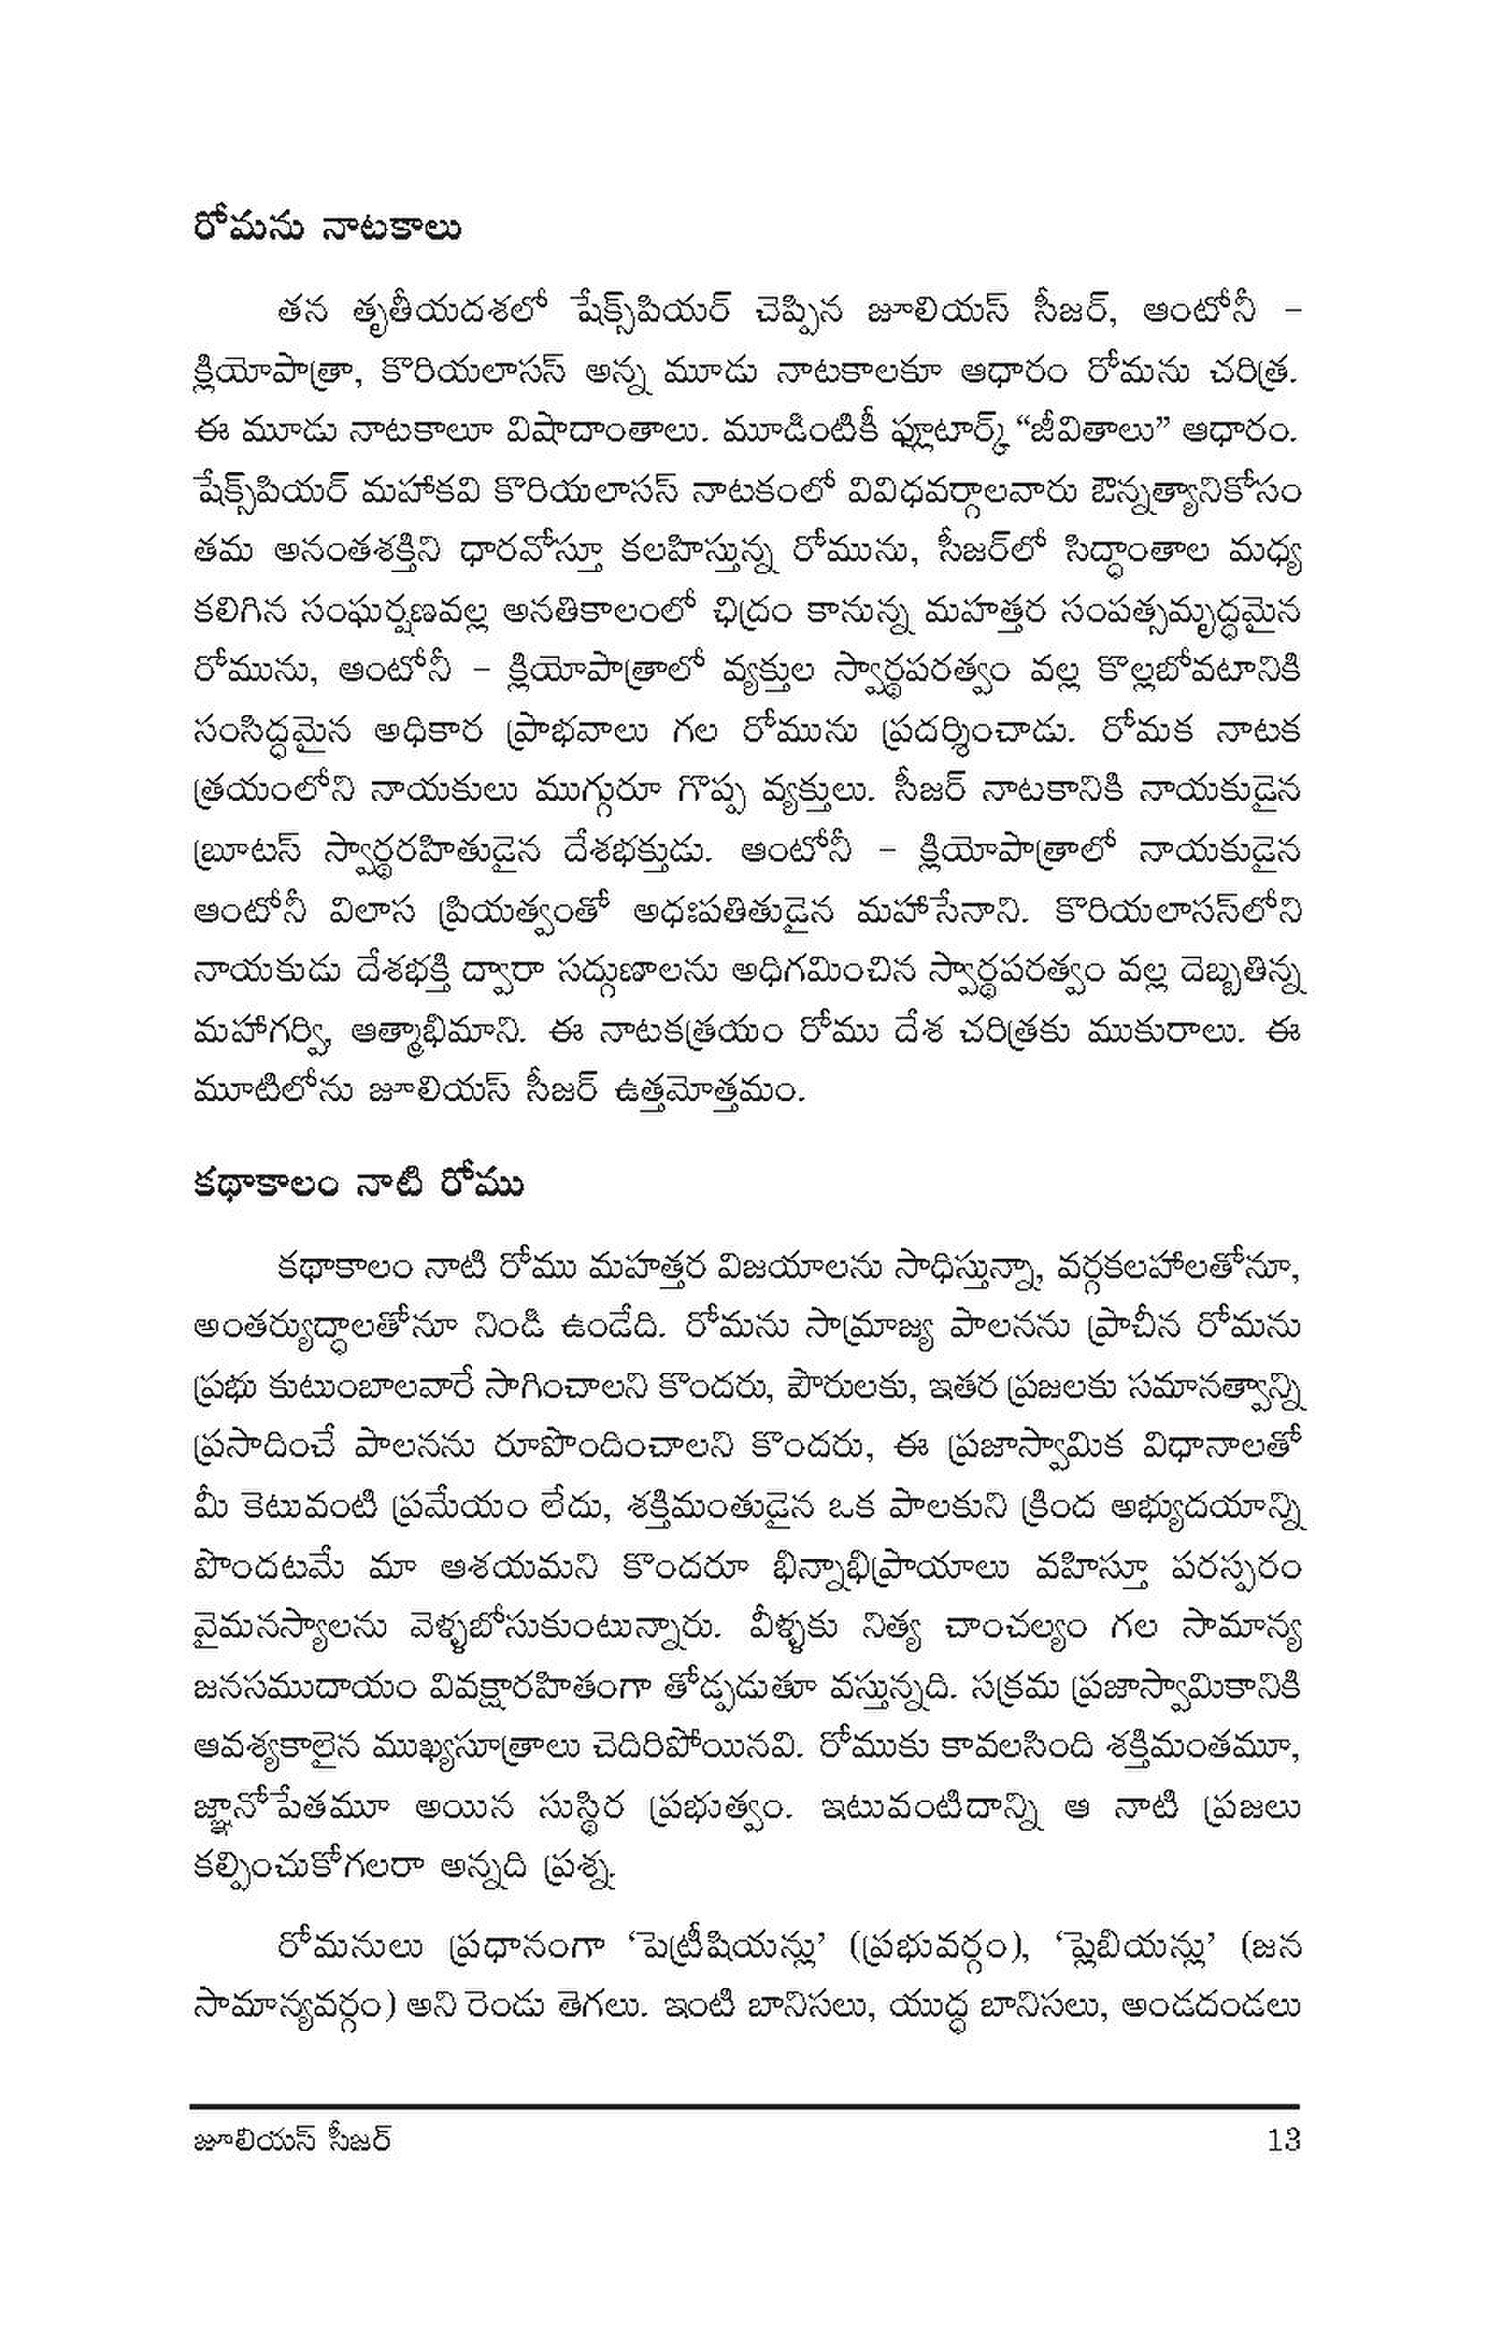రోమను నాటకాలు

తన తృతీయదశలో షేక్స్పియర్ చెప్పిన జూలియస్ సీజర్, ఆంటోనీ
- క్లియోపాత్రా, కొరియలాసస్ అన్న మూడు నాటకాలకూ ఆధారం రోమను చరిత్ర.
ఈ మూడు నాటకాలూ విషాదాంతాలు. మూడింటికీ ప్లూటార్క్ "జీవితాలు” ఆధారం.
షేక్స్పియర్ మహాకవి కొరియలాసస్ నాటకంలో వివిధవర్గాలవారు ఔన్నత్యానికోసం
తమ అనంతశక్తిని ధారవోస్తూ కలహిస్తున్న రోమును, సీజర్లో సిద్ధాంతాల మధ్య
కలిగిన సంఘర్షణవల్ల అనతికాలంలో ఛిద్రం కానున్న మహత్తర సంపత్సమృద్ధమైన
రోమును, ఆంటోనీ - క్లియోపాత్రాలో వ్యక్తుల స్వార్థపరత్వం వల్ల కొల్లబోవటానికి
సంసిద్ధమైన అధికార ప్రాభవాలు గల రోమును ప్రదర్శించాడు. రోమక నాటక
త్రయంలోని నాయకులు ముగ్గురూ గొప్ప వ్యక్తులు. సీజర్ నాటకానికి నాయకుడైన
బ్రూటస్ స్వార్ధరహితుడైన దేశభక్తుడు. ఆంటోనీ - క్లియోపాత్రాలో నాయకుడైన
ఆంటోనీ విలాస ప్రియత్వంతో అధఃపతితుడైన మహాసేనాని. కొరియలాసస్ లోని
నాయకుడు దేశభక్తి ద్వారా సద్గుణాలను అధిగమించిన స్వార్థపరత్వం వల్ల దెబ్బతిన్న
మహాగర్వి, ఆత్మాభిమాని. ఈ నాటకత్రయం రోము దేశ చరిత్రకు ముకురాలు. ఈ
మూటిలోను జూలియస్ సీజర్ ఉత్తమోత్తమం.

కథాకాలం నాటి రోము

కథాకాలం నాటి రోము మహత్తర విజయాలను సాధిస్తున్నా, వర్గకలహాలతోనూ,
అంతర్యుద్ధాలతోనూ నిండి ఉండేది. రోమను సామ్రాజ్య పాలనను ప్రాచీన రోమను
ప్రభు కుటుంబాలవారే సాగించాలని కొందరు, పౌరులకు, ఇతర ప్రజలకు సమానత్వాన్ని
ప్రసాదించే పాలనను రూపొందించాలని కొందరు, ఈ ప్రజాస్వామిక విధానాలతో
మీ కెటువంటి ప్రమేయం లేదు, శక్తిమంతుడైన ఒక పాలకుని క్రింద అభ్యుదయాన్ని
పొందటమే మా ఆశయమని కొందరూ భిన్నాభిప్రాయాలు వహిస్తూ పరస్పరం
వైమనస్యాలను వెళ్ళబోసుకుంటున్నారు. వీళ్ళకు నిత్య చాంచల్యం గల సామాన్య
జనసముదాయం వివక్షారహితంగా తోడ్పడుతూ వస్తున్నది. సక్రమ ప్రజాస్వామికానికి
ఆవశ్యకాలైన ముఖ్యసూత్రాలు చెదిరిపోయినవి. రోముకు కావలసింది శక్తిమంతమూ,
జ్ఞానోపేతమూ అయిన సుస్థిర ప్రభుత్వం. ఇటువంటిదాన్ని ఆ నాటి ప్రజలు
కల్పించుకోగలరా అన్నది ప్రశ్న.

రోమనులు ప్రధానంగా 'పెట్రీషియన్లు' (ప్రభువర్గం), 'ప్లెబియన్లు' (జన
సామాన్యవర్గం) అని రెండు తెగలు. ఇంటి బానిసలు, యుద్ధ బానిసలు, అండదండలు